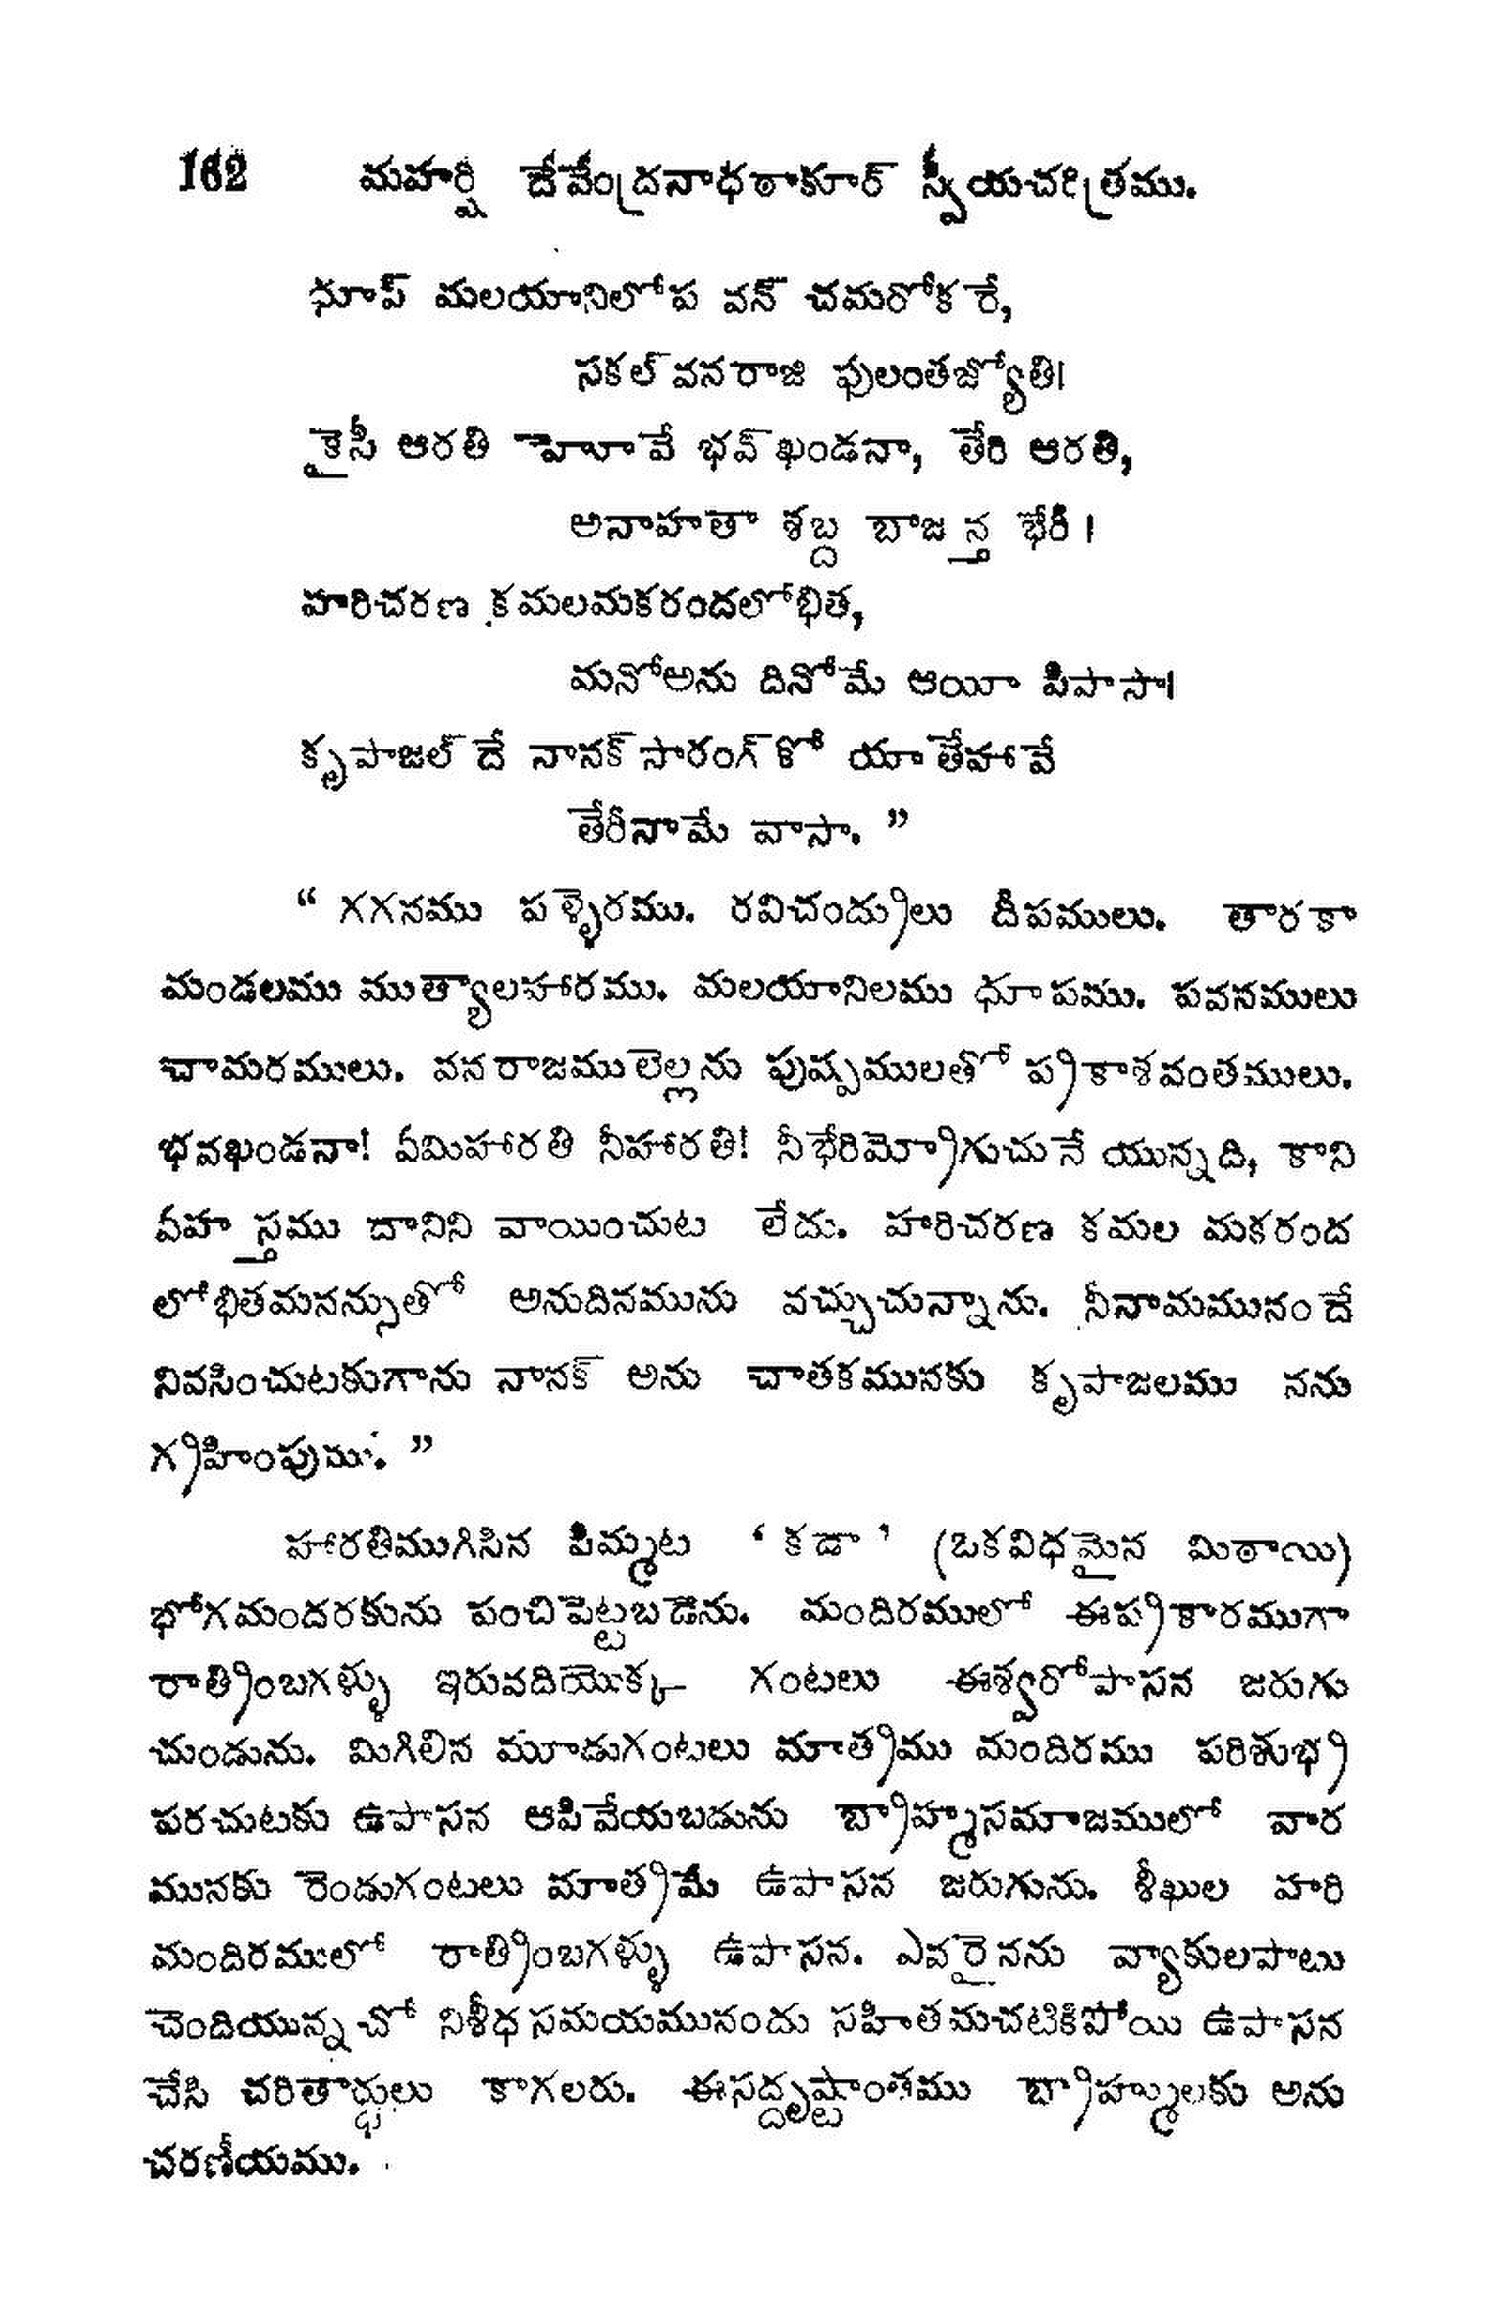నూప్ మలయానిలో పవన్ చమరోక రే,
సకల్ వనరాజి ఫులంతజ్యోతి|
కైసీ ఆరతి "హెూ వే భవ్ ఖండనా, తేరి ఆరతి,
అనాహతా శబ్ద బాజ ంత భేరీ |
హరిచరణ కమలమకరందలోభిత,
మనోఅను దినోమే ఆయీ పిపాసా|
కృపాజల్ దే నానక్ సారంగ్ గో యా తేహా వే
తేరీనామే వాసా. "

గగనము పళ్ళెరము. రవిచంద్రులు దీపములు.తారకామండలము ముత్యాల
హారము, మలయానిలము ధూపము. పవనములు చామరములు. వన రాజము 
లెల్లను పుష్పములతో ప్రకాశవంతములు.భవఖండనా! ఏమిహారతి నీహారతీ! నీ భేరి మోగుచునే యున్నది, కాని ఏహస్తము దానిని వాయించుట లేదు. హరిచరణ కమల మకరందలో భితమనస్సుతో అనుదినమును వచ్చుచున్నాను. నీనామమునం దే
నివసించుటకుగాను నాసక్ అను చాతకమునకు కృపాజలము ననుగ్రహింపుము. "

హారతిముగిసిన పిమ్మట ‘కడ ' (ఒక విధమైన మిఠాయి) భాగమందరకును పంచి పెట్టబడెను. మందిరములో ఈప్రకారముగా రాత్రింబగళ్ళు ఇరువది యొక్క-
గంటలు ఈశ్వరోపాసన జరుగు చుండును. మిగిలిన మూడుగంటలు మాత్రము మందిరము పరిశుభ పరచుటకు ఉపాసన ఆపి వేయబడును బ్రాహ్మసమాజములో వార
మునకు 'రెండుగంటలు మాత్రమే ఉపాసన జరుగును. శీఖుల హరి
మందిరములో రాత్రింబగళ్ళు ఉపాసన. ఎవరైనను వ్యాకుల పాటు
చెందియున్నచో నిశీధ సమయమునందు సహితమచటికిపోయి ఉపాసనచేసి చరితార్తులు కాగలరు. ఈ సద్దృష్టాంతము బహ్ములకు అను చరణీయము.,